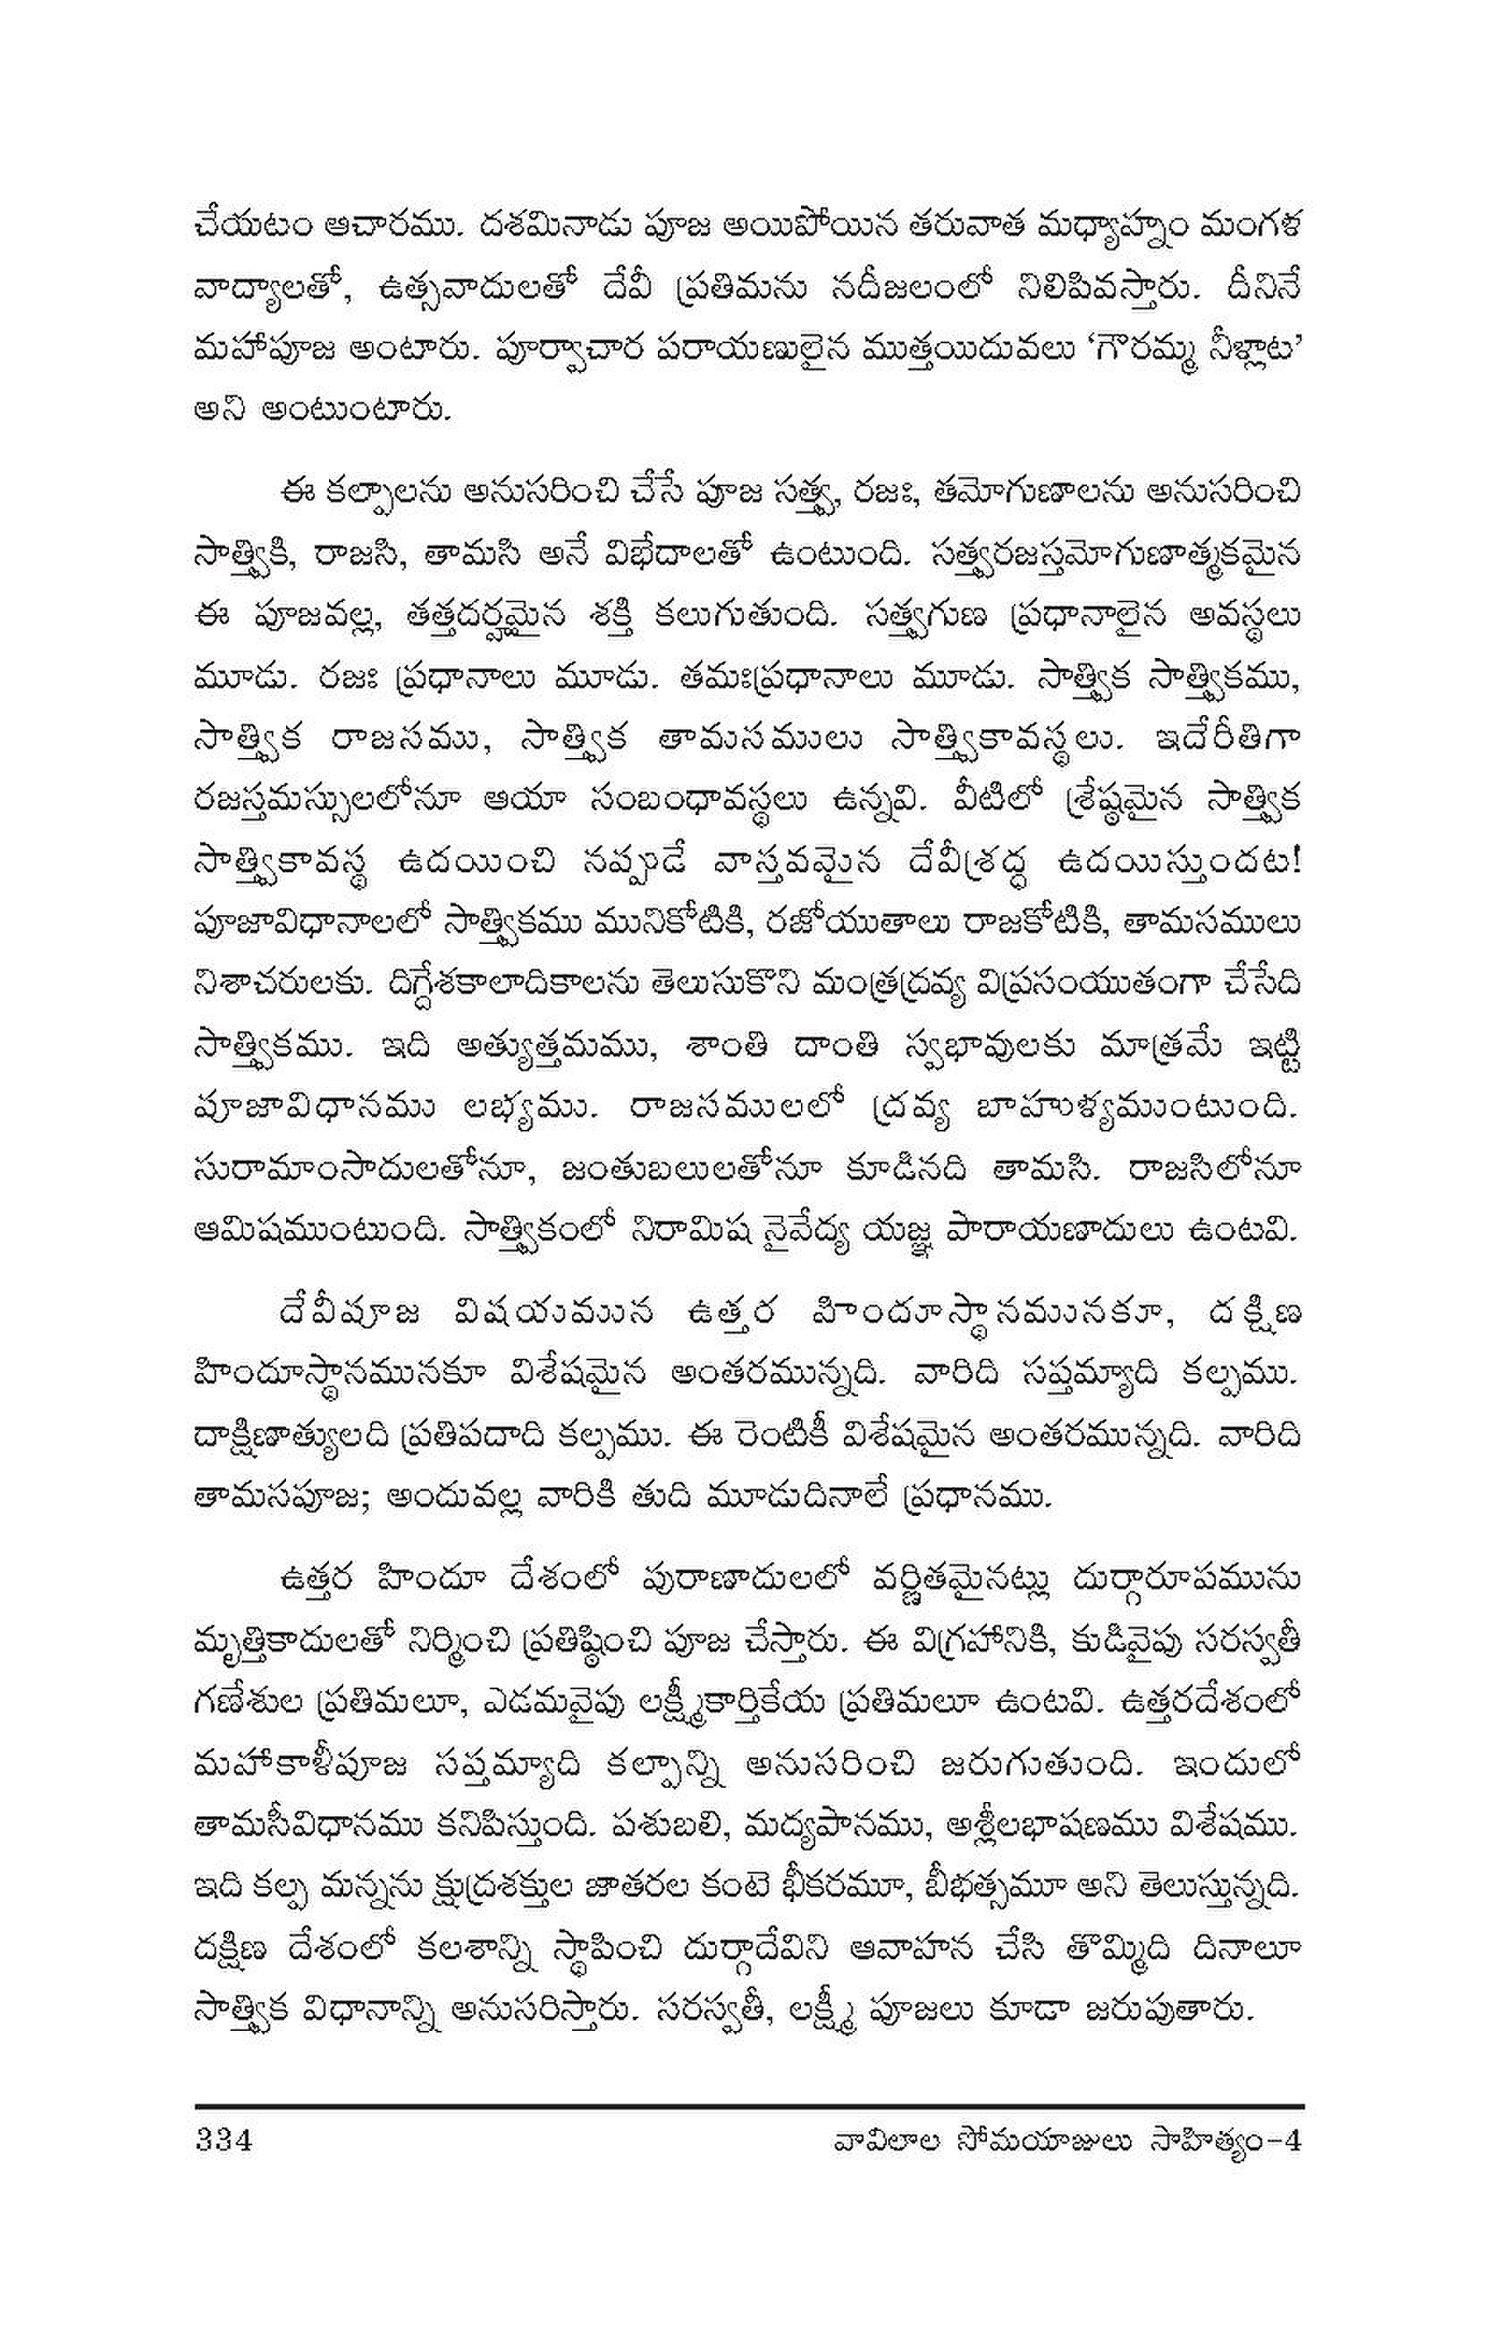చేయటం ఆచారము. దశమినాడు పూజ అయిపోయిన తరువాత మధ్యాహ్నం మంగళ
వాద్యాలతో, ఉత్సవాదులతో దేవీ ప్రతిమను నదీజలంలో నిలిపివస్తారు. దీనినే
మహాపూజ అంటారు. పూర్వాచార పరాయణులైన ముత్తయిదువలు 'గౌరమ్మ నీళ్లట'
అని అంటుంటారు.

ఈ కల్పాలను అనుసరించి చేసే పూజ సత్త్వ, రజః, తమోగుణాలను అనుసరించి
సాత్వికి, రాజసి, తామసి అనే విభేదాలతో ఉంటుంది. సత్త్వరజస్తమోగుణాత్మకమైన
ఈ పూజవల్ల, తత్తదర్ఘమైన శక్తి కలుగుతుంది. సత్వగుణ ప్రధానాలైన అవస్థలు
మూడు. రజః ప్రధానాలు మూడు. తమఃప్రధానాలు మూడు. సాత్విక సాత్వికము,
సాత్విక రాజసము, సాత్విక తామసములు సాత్వికావస్థలు. ఇదేరీతిగా
రజస్తమస్సులలోనూ ఆయా సంబంధావస్థలు ఉన్నవి. వీటిలో శ్రేష్ఠమైన సాత్విక
సాత్వికావస్థ ఉదయించి నప్పుడే వాస్తవమైన దేవీశ్రద్ధ ఉదయిస్తుందట!
పూజావిధానాలలో సాత్వికము మునికోటికి, రజోయుతాలు రాజకోటికి, తామసములు
నిశాచరులకు, దిద్దేశకాలాదికాలను తెలుసుకొని మంత్రద్రవ్య విప్రసంయుతంగా చేసేది
సాత్వికము. ఇది అత్యుత్తమము, శాంతి దాంతి స్వభావులకు మాత్రమే ఇట్టి
పూజావిధానము లభ్యము. రాజసములలో ద్రవ్య బాహుళ్యముంటుంది.
సురామాంసాదులతోనూ, జంతుబలులతోనూ కూడినది తామసి. రాజసిలోనూ
ఆమిషముంటుంది. సాత్వికంలో నిరామిష నైవేద్య యజ్ఞ పారాయణాదులు ఉంటవి.

దేవీపూజ విషయమున ఉత్తర హిందూస్థానమునకూ, దక్షిణ
హిందూస్థానమునకూ విశేషమైన అంతరమున్నది. వారిది సప్తమ్యాది కల్పము.
దాక్షిణాత్యులది ప్రతిపదాది కల్పము. ఈ రెంటికీ విశేషమైన అంతరమున్నది. వారిది
తామసపూజ; అందువల్ల వారికి తుది మూడుదినాలే ప్రధానము.

ఉత్తర హిందూ దేశంలో పురాణాదులలో వర్ణితమైనట్లు దుర్గారూపమును
మృత్తికాదులతో నిర్మించి ప్రతిష్ఠించి పూజ చేస్తారు. ఈ విగ్రహానికి, కుడివైపు సరస్వతీ
గణేశుల ప్రతిమలూ, ఎడమవైపు లక్ష్మీకార్తికేయ ప్రతిమలూ ఉంటవి. ఉత్తరదేశంలో
మహాకాళీపూజ సప్తమ్యాది కల్పాన్ని అనుసరించి జరుగుతుంది. ఇందులో
తామసీవిధానము కనిపిస్తుంది. పశుబలి, మద్యపానము, అశ్లీలభాషణము విశేషము.
ఇది కల్ప మన్నను క్షుద్రశక్తుల జాతరల కంటె భీకరమూ, బీభత్సమూ అని తెలుస్తున్నది.
దక్షిణ దేశంలో కలశాన్ని స్థాపించి దుర్గాదేవిని ఆవాహన చేసి తొమ్మిది దినాలూ
సాత్విక విధానాన్ని అనుసరిస్తారు. సరస్వతీ, లక్ష్మీ పూజలు కూడా జరుపుతారు.